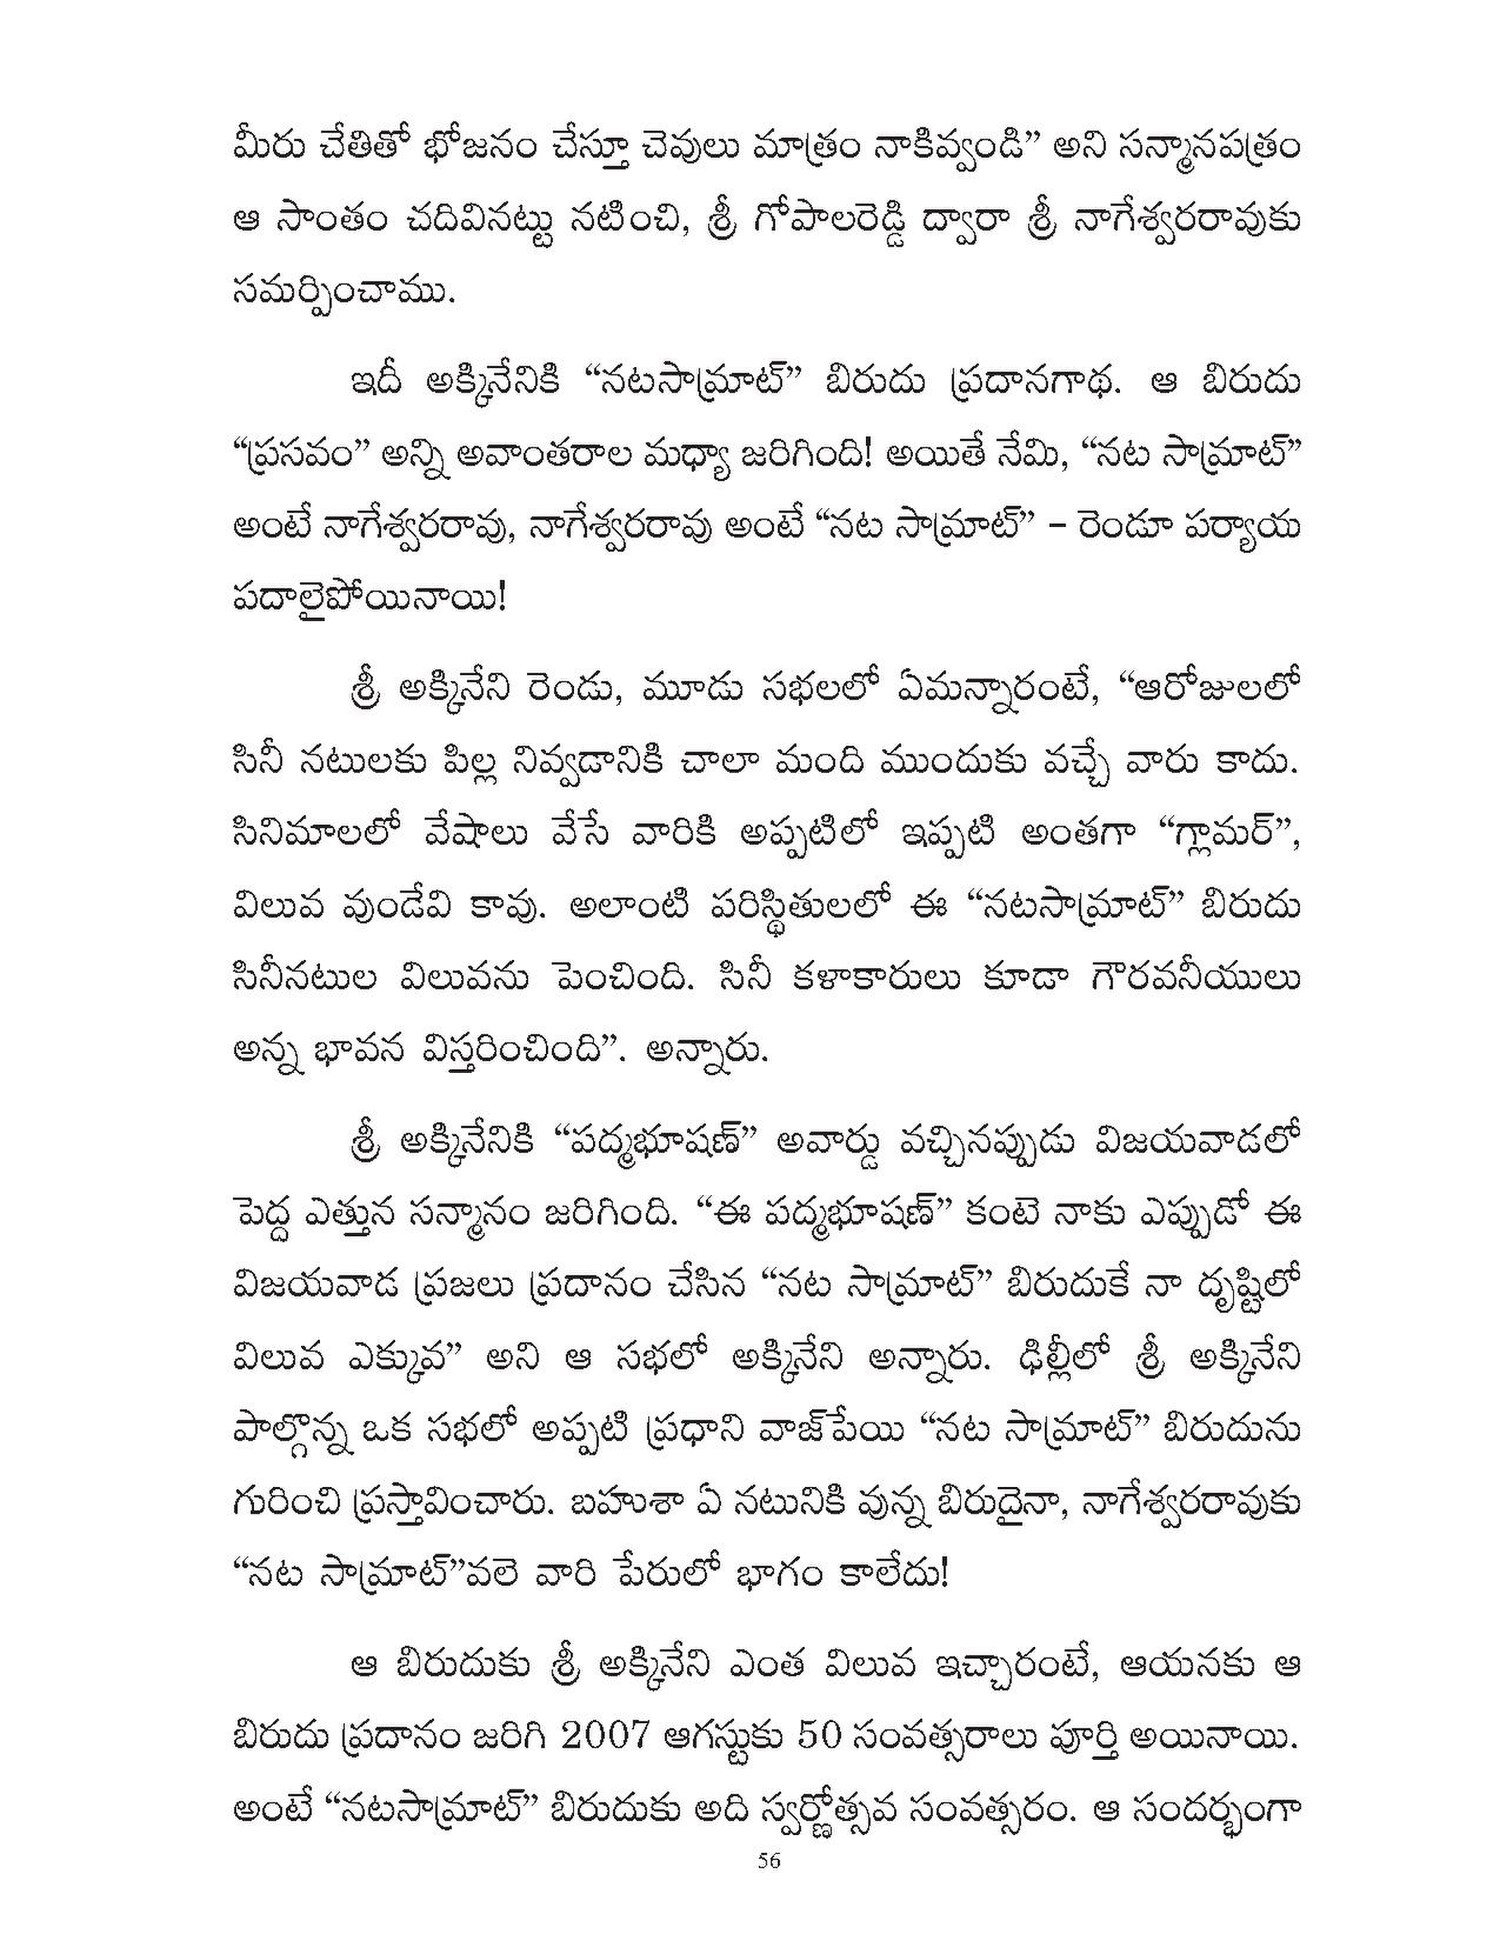మీరు చేతితో భోజనం చేస్తూ చెవులు మాత్రం నాకివ్వండి" అని సన్మానపత్రం
ఆ సాంతం చదివినట్టు నటించి, శ్రీ గోపాలరెడ్డి ద్వారా శ్రీ నాగేశ్వరరావుకు
సమర్పించాము.

ఇదీ అక్కినేనికి "నటసామ్రాట్‌" బిరుదు ప్రదానగాథ. ఆ బిరుదు
"ప్రసవం" అన్ని అవాంతరాల మధ్యా జరిగింది! అయితే నేమి, "నట సామ్రాట్‌"
అంటే నాగేశ్వరరావు, నాగేశ్వరరావు అంటే "నట సామ్రాట్‌" - రెండూ పర్యాయ
పదాలైపోయినాయి!

శ్రీ అక్కినేని రెండు, మూడు సభలలో ఏమన్నారంటే, "ఆరోజులలో
సినీ నటులకు పిల్ల నివ్వడానికి చాలా మంది ముందుకు వచ్చే వారు కాదు.
సినిమాలలో వేషాలు వేసే వారికి అప్పటిలో ఇప్పటి అంతగా "గ్లామర్‌",
విలువ వుండేవి కావు. అలాంటి పరిస్థితులలో ఈ "నటసామ్రాట్‌" బిరుదు
సినీనటుల విలువను పెంచింది. సినీ కళాకారులు కూడా గౌరవనీయులు
అన్న భావన విస్తరించింది". అన్నారు.

శ్రీ అక్కినేనికి "పద్మభూషణ్‌" అవార్డు వచ్చినప్పుడు విజయవాడలో
పెద్ద ఎత్తున సన్మానం జరిగింది. "ఈ పద్మభూషణ్‌" కంటె నాకు ఎప్పుడో ఈ
విజయవాడ ప్రజలు ప్రదానం చేసిన "నట సామ్రాట్‌" బిరుదుకే నా దృష్టిలో
విలువ ఎక్కువ" అని ఆ సభలో అక్కినేని అన్నారు. ఢిల్లీలో శ్రీ అక్కినేని
పాల్గొన్న ఒక సభలో అప్పటి ప్రధాని వాజ్‌పేయి "నట సామ్రాట్‌" బిరుదును
గురించి ప్రస్తావించారు. బహుశా ఏ నటునికి వున్న బిరుదైనా, నాగేశ్వరరావుకు
"నట సామ్రాట్‌"వలె వారి పేరులో భాగం కాలేదు!

ఆ బిరుదుకు శ్రీ అక్కినేని ఎంత విలువ ఇచ్చారంటే, ఆయనకు ఆ
బిరుదు ప్రదానం జరిగి 2007 ఆగస్టుకు 50 సంవత్సరాలు పూర్తి అయినాయి.
అంటే "నటసామ్రాట్‌" బిరుదుకు అది స్వర్ణోత్సవ సంవత్సరం. ఆ సందర్భంగా